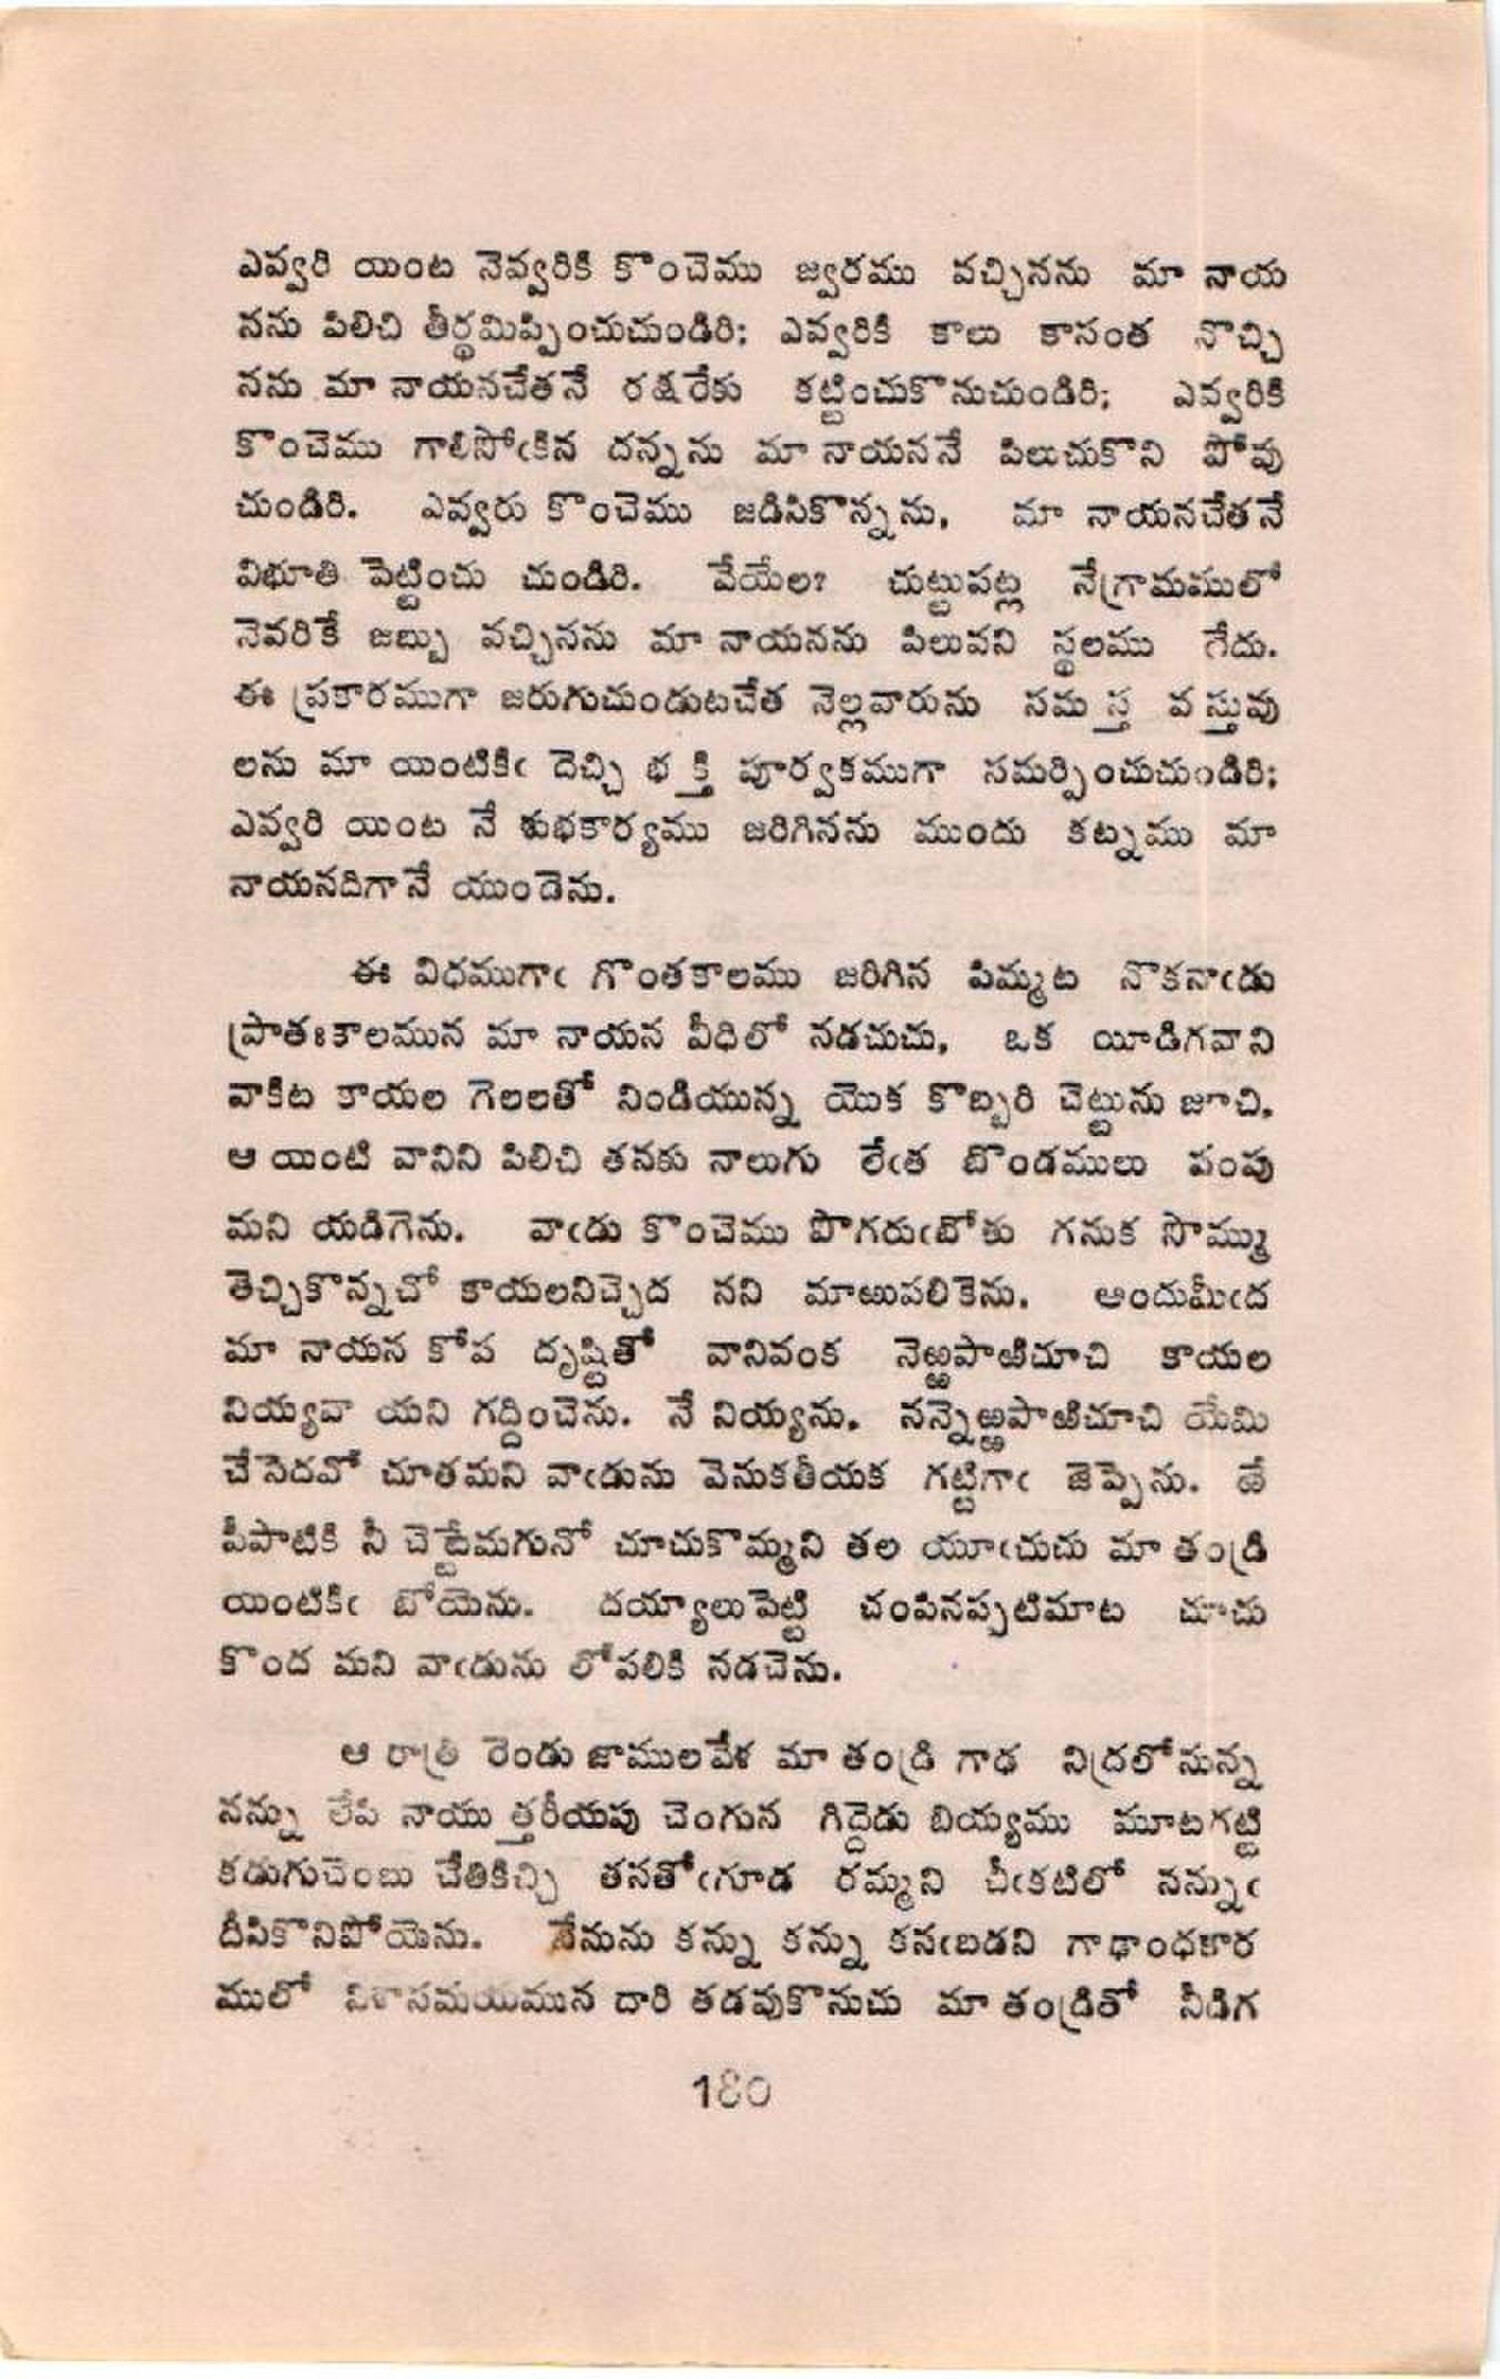ఎవ్వరి యింట నెవ్వరికి కొంచెము జ్వరము వచ్చినను మా నాయనను పిలిచి తీర్థమిప్పించుచుండిరి; ఎవ్వరికి కాలు కాసంత నొచ్చినను మా నాయనచేతనే రక్షరేకు కట్టించుకొనుచుండిరి; ఎవ్వరికి కొంచెము గాలిసోఁకిన దన్నను మా నాయననే పిలుచుకొని పోవుచుండిరి. ఎవ్వరు కొంచెము జడిసికొన్నను, మా నాయనచేతనే విభూతి పెట్టించు చుండిరి. వేయేల? చుట్టుపట్ల నేగ్రామములో నెవరికే జబ్బు వచ్చినను మా నాయనను పిలువని స్థలము లేదు. ఈ ప్రకారముగా జరుగుచుండుటచేత నెల్లవారును సమస్త వస్తువులను మా యింటికిఁ దెచ్చి భక్తి పూర్వకముగా సమర్పించుచుండిరి; ఎవ్వరి యింట శుభకార్యము జరిగినను ముందు కట్నము మా నాయనదిగానే యుండెను.

ఈ విధముగాఁ గొంతకాలము జరిగిన పిమ్మట నొకనాఁడు ప్రాతఃకాలమున మా నాయన వీధిలో నడచుచు, ఒక యీడిగవాని వాకిట కాయల గెలలతో నిండియున్న యొక కొబ్బరి చెట్టును జూచి ఆ యింటి వానిని పిలిచి తనకు నాలుగు లేఁత బొండములు పంపుమని యడిగెను. వాఁడు కొంచెము పొగరుఁబోతు గనుక సొమ్ము తెచ్చికొన్నచో కాయలనిచ్చెద నని మాఱుపలికెను. అందుమీఁద మా నాయన కోప దృష్టితో వానివంక నెఱ్ఱపాఱచూచి కాయల నియ్యవా యని గద్దించెను. నే నియ్యను, నన్నెఱ్ఱపాఱిచూచి యేమిచేసెదవో చూతమని వాఁడును వెనుకతీయక గట్టిగాఁ జెప్పెను. ఱేపీపాటికి నీ చెట్టేమగునో చూచుకొమ్మని తల యూఁచుచు మా తండ్రి యింటికిఁ బోయెను. దయ్యాలు పెట్టి చంపినప్పటిమాట చూచు కొంద మని వాఁడును లోపలికి నడచెను.

ఆ రాత్రి రెండు జాములవేళ మా తండ్రి గాఢ నిద్రలోనున్న నన్ను లేపి నాయుత్తరీయపు చెంగున గిద్దెడు బియ్యము మూటగట్టి కడుగుచెంబు చేతికిచ్చి తనతోఁగూడ రమ్మని చీకటిలో నన్ను దీసికొనిపోయెను. నేనును కన్ను కనబడని గాఢాంధకారములో నిశాసమయమున దారి తడవుకొనుచు మా తండ్రితో నీడిగ